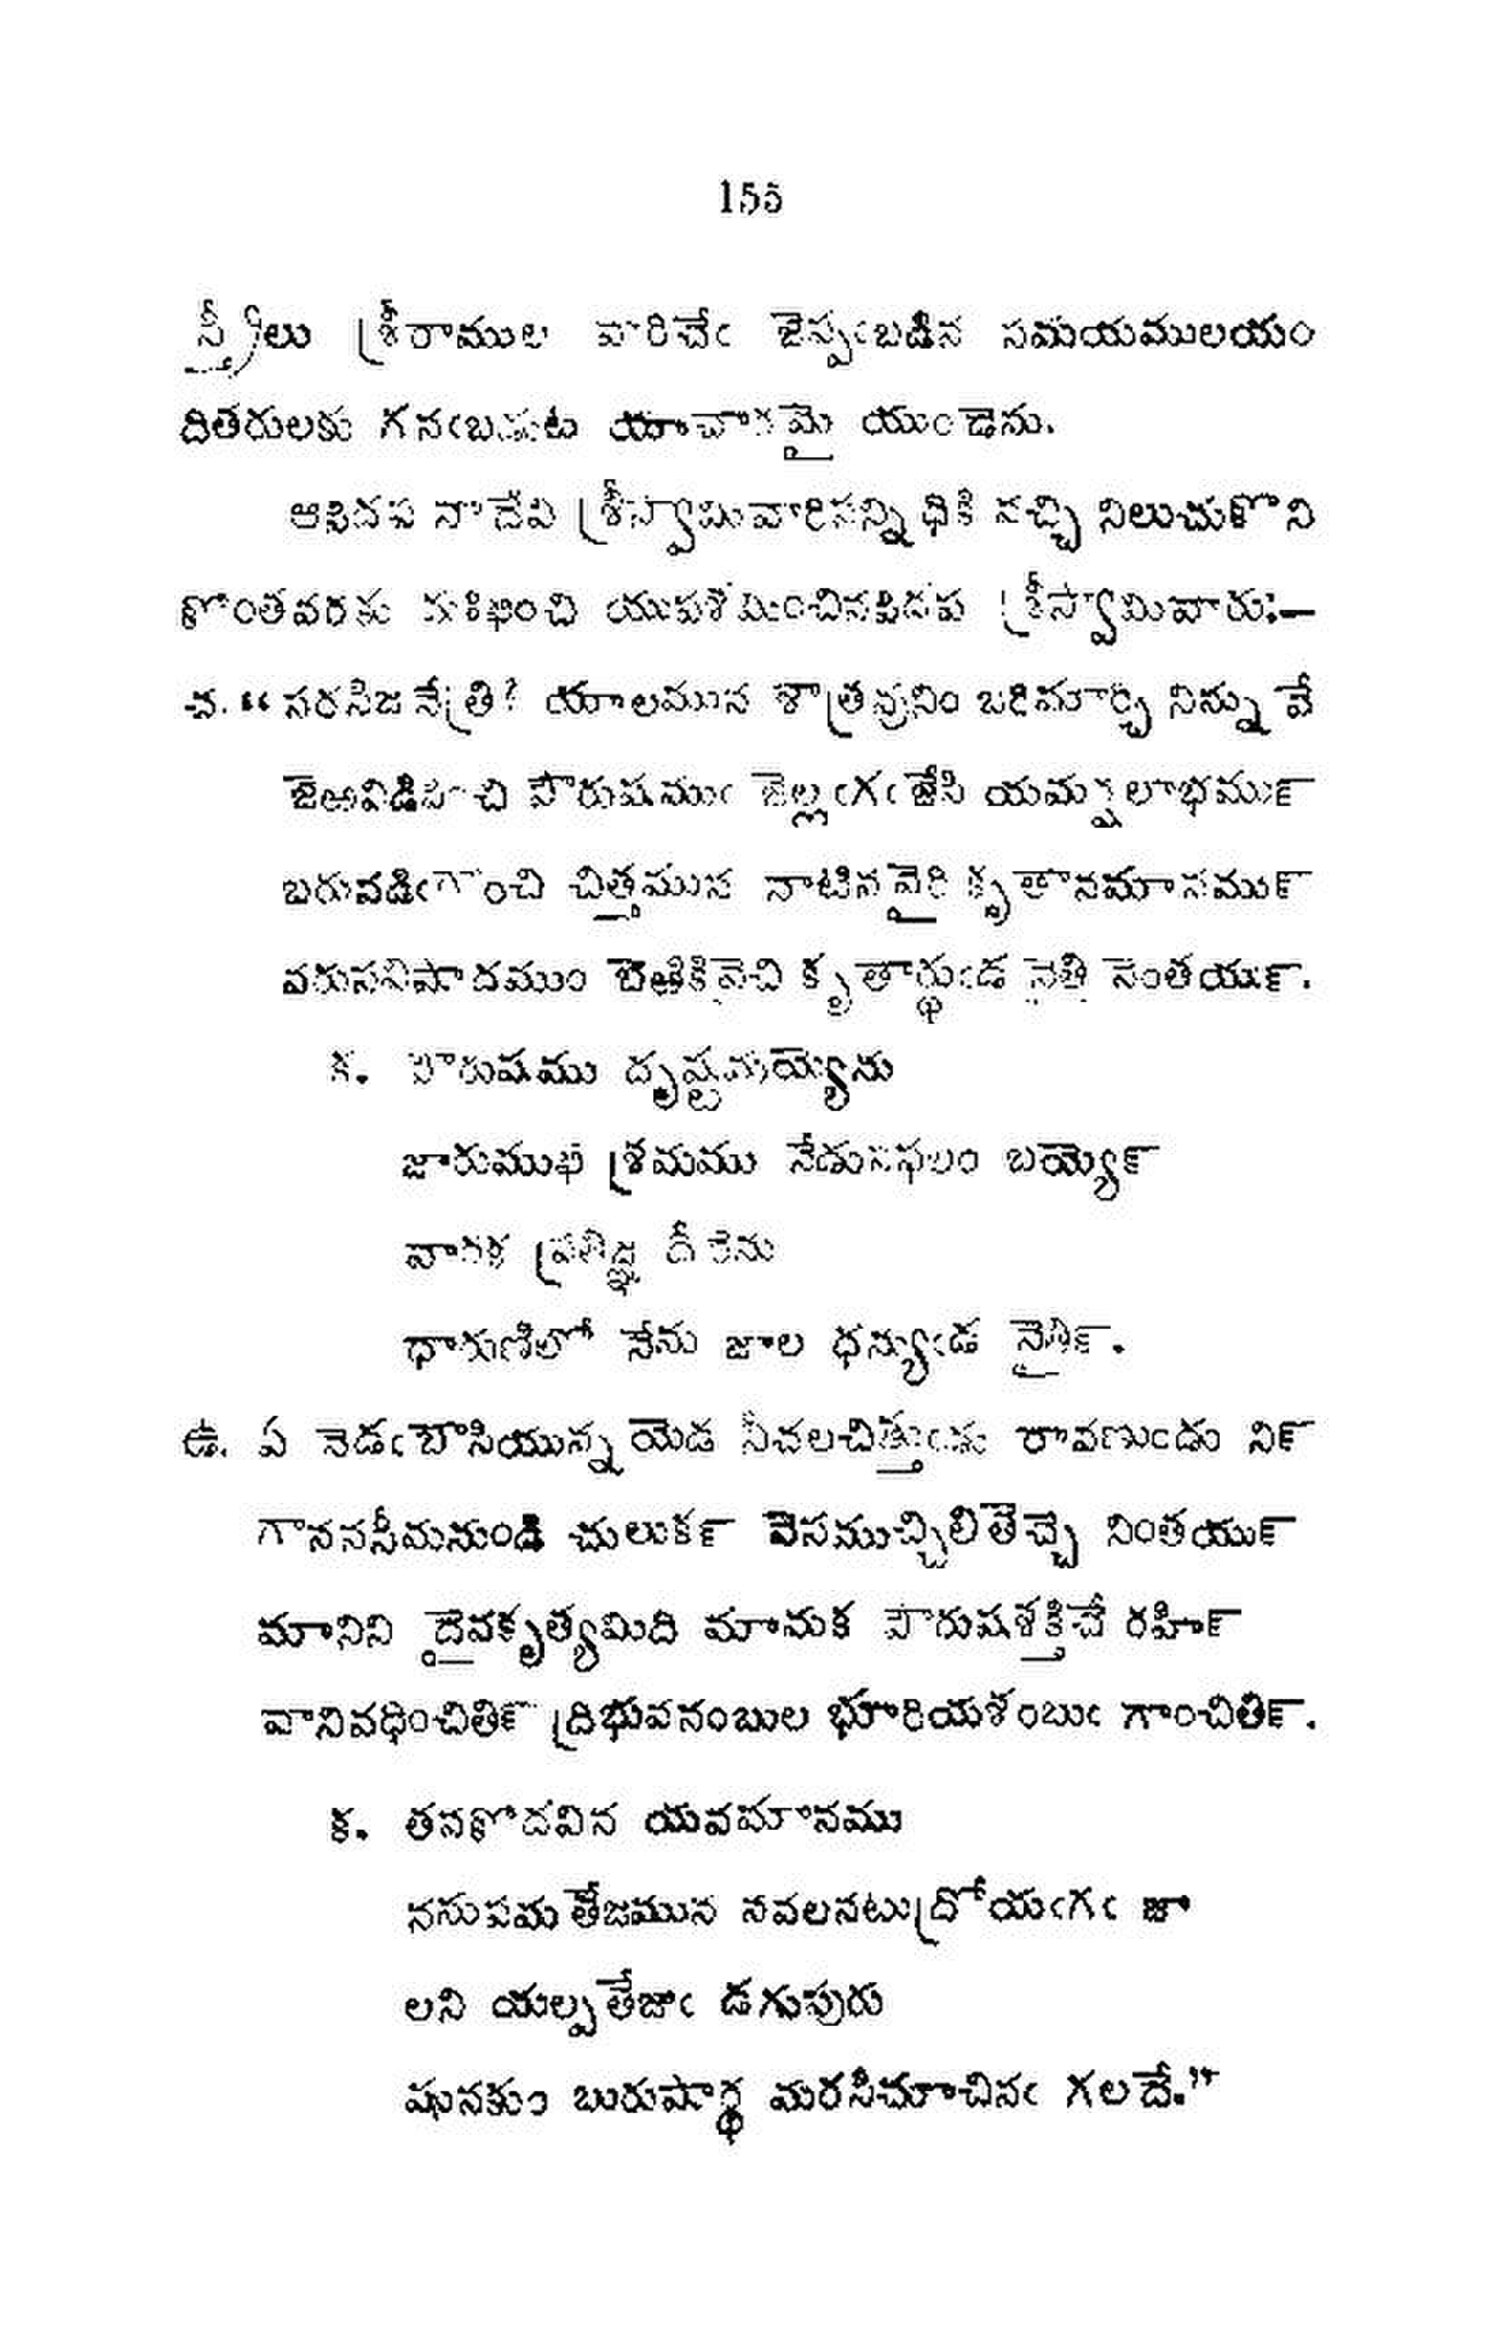స్త్రీలు శ్రీరాముల వారిచేఁ జెప్పఁబడిన సమయములయం దితరులకు గనఁబడుట యాచారమై యుండెను.

ఆపిదప నాదేవి శ్రీస్వామివారిసన్నిధికి వచ్చి నిలుచుకొని కొంతవరకు దుఃఖించి యుపశమించిన పిదప శ్రీస్వామివారు:--

చ. "సరసిజనేత్రి ? యాలమున శాత్రవునిం బరిమార్చి నిన్ను వే
 జెఱవిడిపించి పౌరుషముఁ జెల్లఁగఁజేసి యమర్ష లాభమున్
 బరువడిఁగాంచి చిత్తమున నాటినవైరి కృతానమానమున్
 వరుసవిషాదముం బెఱికివైచి కృతార్థుఁడ నైతి నెంతయున్ .

క. పౌరుషము దృష్టమయ్యెను
 జారుముఖీ శ్రమము నేడునఫలం బయ్యెన్
 వారక ప్రతిజ్ఞ దీరెను
 ధారుణిలో నేను జాల ధన్యుఁడ నైతిన్.

ఉ. ఏ నెడఁబాసియున్న యెడ నీచలచిత్తుఁడు రావణుఁడు నిన్
 గాననసీమనుండి చులుకన్ వెసముచ్చిలితెచ్చే నింతయున్
 మానిని దైవకృత్యమిది మామక పౌరుషశక్తిచే రహిన్
 వానివధించితిన్ ద్రిభువనంబుల భూరియశంబుఁ గాంచితిన్.

క. తనకొదవిన యవమానము
 ననుపమ తేజమున నవలనటుద్రోయఁగఁ జా
 లని యల్పతేజుఁ డగుపురు
 షునకుం బురుషార్థ మరసిచూచినఁ గలదే."